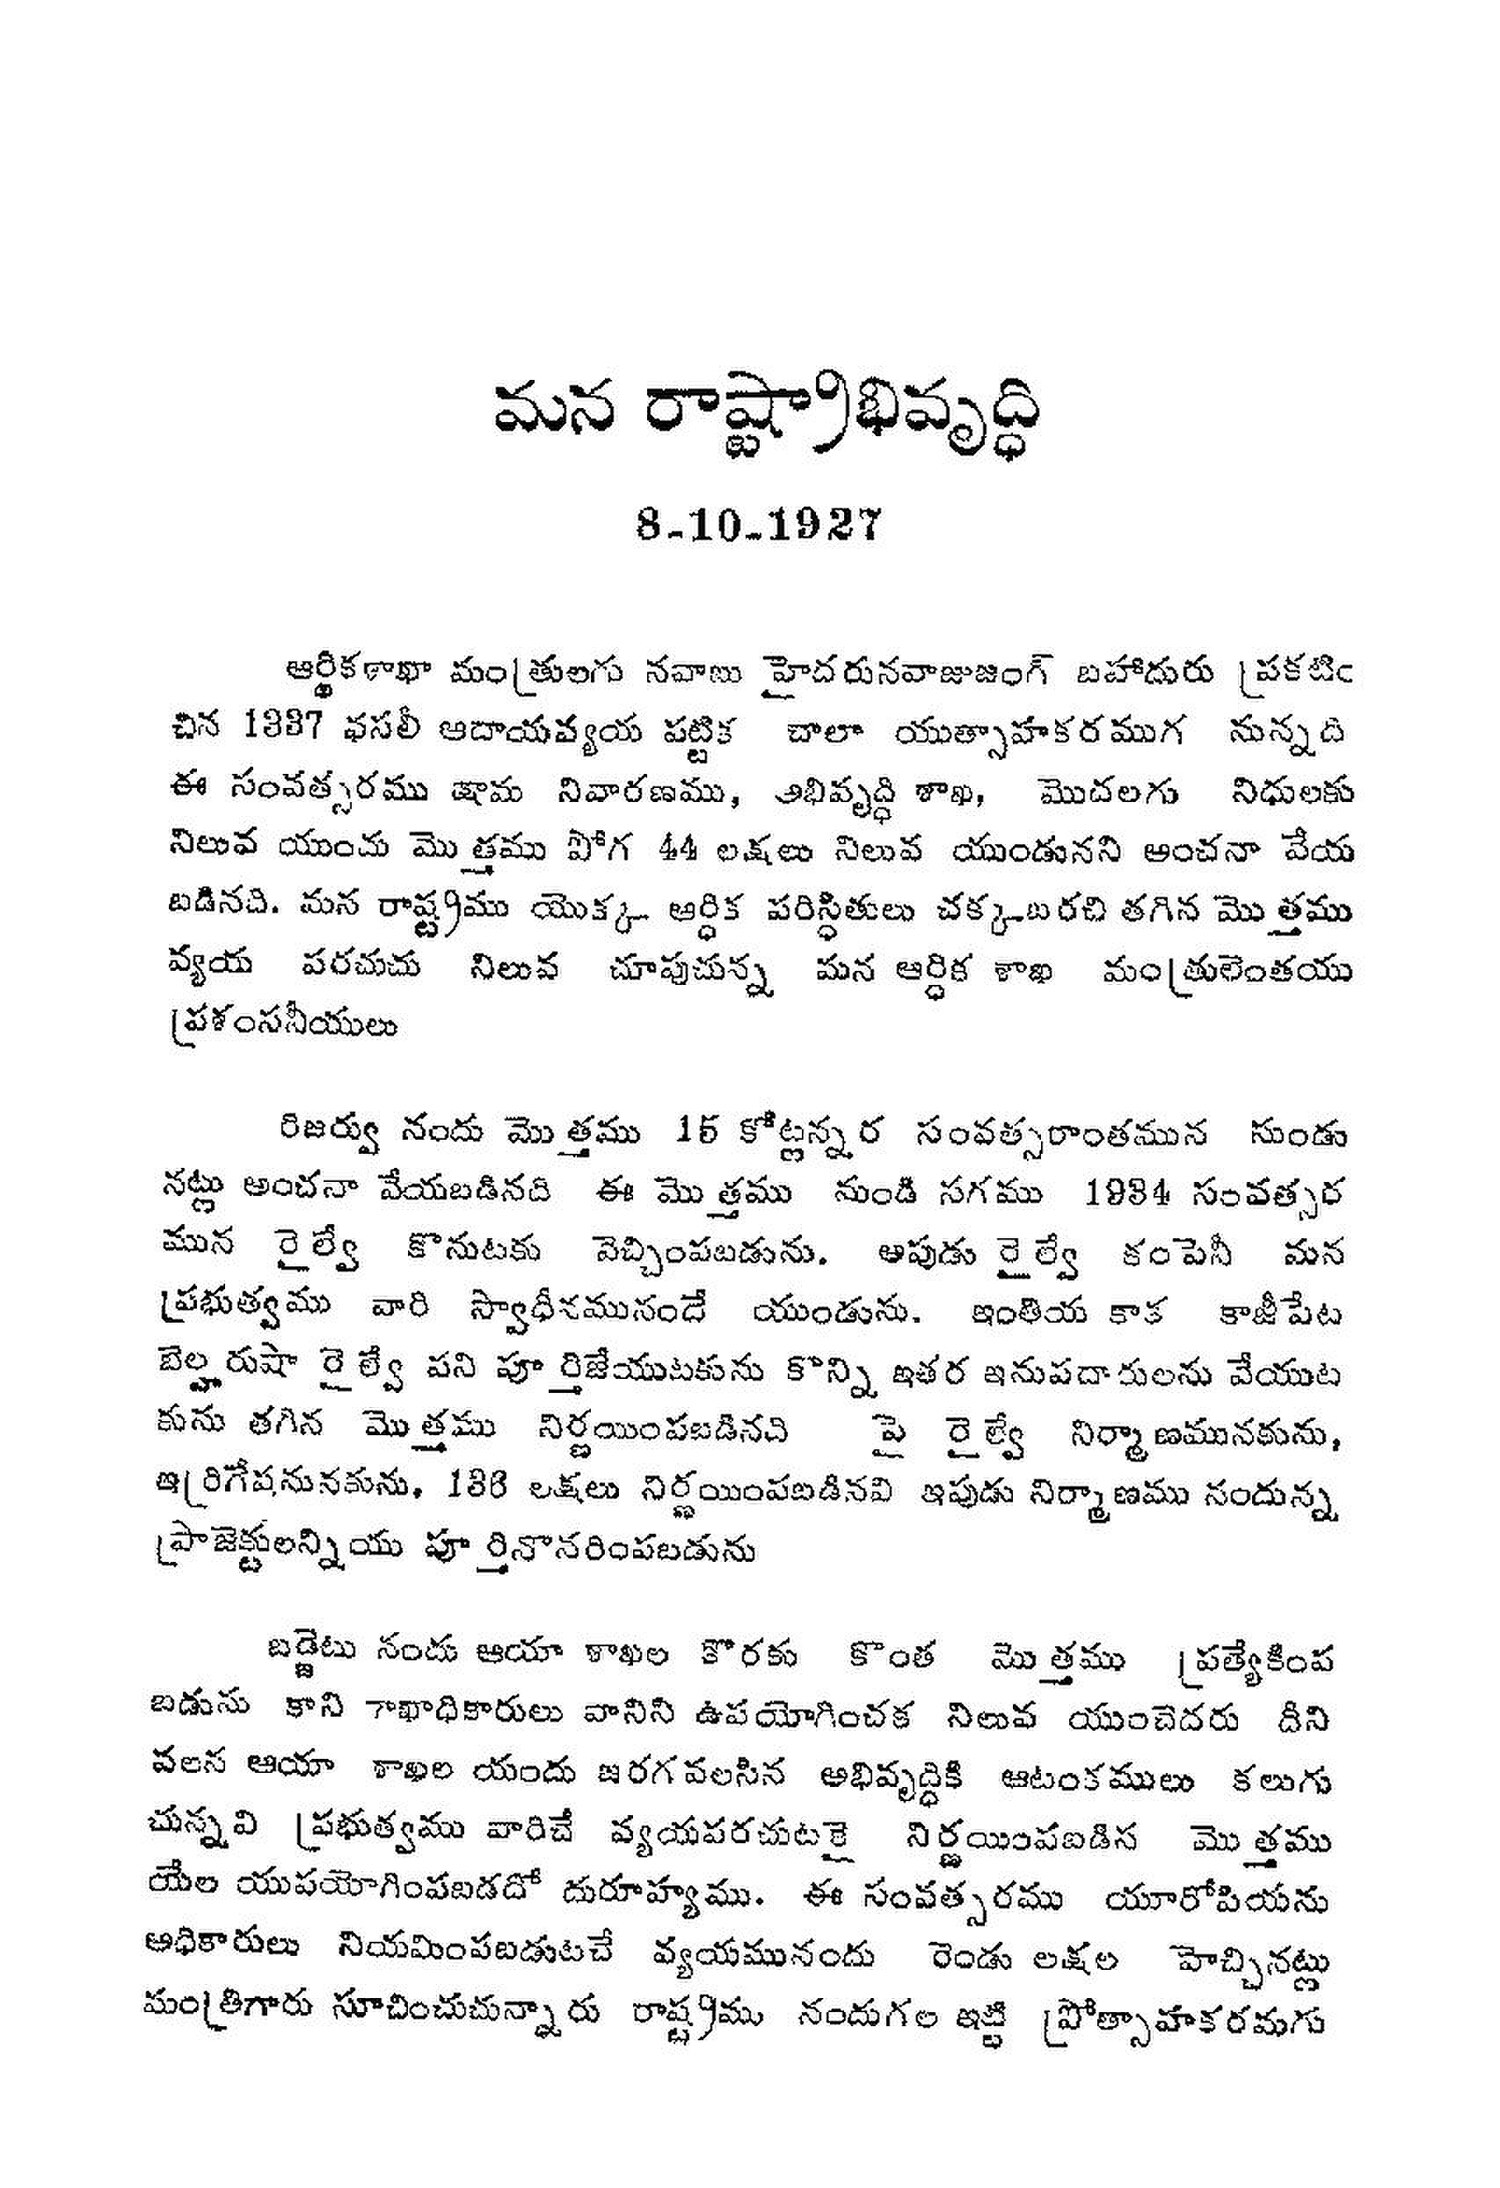మన రాష్ట్రాభివృద్ధి

8-10-1927

ఆర్థికశాఖా మంత్రులగు నవాబు హైదరునవాజుజంగ్ బహాదురు ప్రకటించిన 1337 ఫసలీ ఆదాయవ్యయ పట్టిక చాలా యుత్సాహకరముగ నున్నది ఈ సంవత్సరము క్షామ నివారణము, అభివృద్ధి శాఖ, మొదలగు నిధులకు నిలువ యందు మొత్తము పోగ 44 లక్షలు నిలువ యుండునని అంచనా వేయబడినది. మన రాష్ట్రము యొక్క ఆర్థిక పరిస్థితులు చక్కబరచి తగిన మొత్తము వ్యయ పరచుచు నిలువ చూపుచున్న మన ఆర్థిక శాఖ మంత్రులెంతయు
ప్రశంసనీయులు

రిజర్వు నందు మొత్తము 15 కోట్లన్నర సంవత్సరాంతమున నుండునట్లు అంచనా వేయబడినది ఈ మొత్తము నుండి సగము 1934 సంవత్సరమున రైల్వే కొనుటకు వెచ్చింపబడును. అపుడు రైల్వే కంపెనీ మన ప్రభుత్వము వారి స్వాధీనమునందే యుండును. ఇంతియ కాక కాజీపేట బెల్హరుషా రైల్వే పని పూర్తిజేయుటకును కొన్ని ఇతర ఇనుపదారులను వేయుటకును తగిన మొత్తము నిర్ణయింపబడినది పై రైల్వే నిర్మాణమునకును, ఇర్రిగేషనునకును, 136 లక్షలు నిర్ణయింపబడినవి ఇపుడు నిర్మాణము నందున్న ప్రాజెక్టులన్నియు పూర్తినొనరింపబడును

బడ్జెటు నందు ఆయా శాఖల కొరకు కొంత మొత్తము ప్రత్యేకింపబడును కాని శాఖాధికారులు వానిని ఉపయోగించక నిలువ యుంచెదరు దీనివలన ఆయా శాఖల యందు జరగవలసిన అభివృద్ధికి ఆటంకములు కలుగుచున్నవి ప్రభుత్వము వారిచే వ్యయపరచుటకై నిర్ణయింపబడిన మొత్తము యేల యుపయోగింపబడదో దురూహ్యము. ఈ సంవత్సరము యూరోపియను అధికారులు నియమింపబడుటచే వ్యయమునందు రెండు లక్షల హెచ్చినట్లు
మంత్రిగారు సూచించుచున్నారు రాష్ట్రము నందుగల ఇట్టి ప్రోత్సాహకరమగు